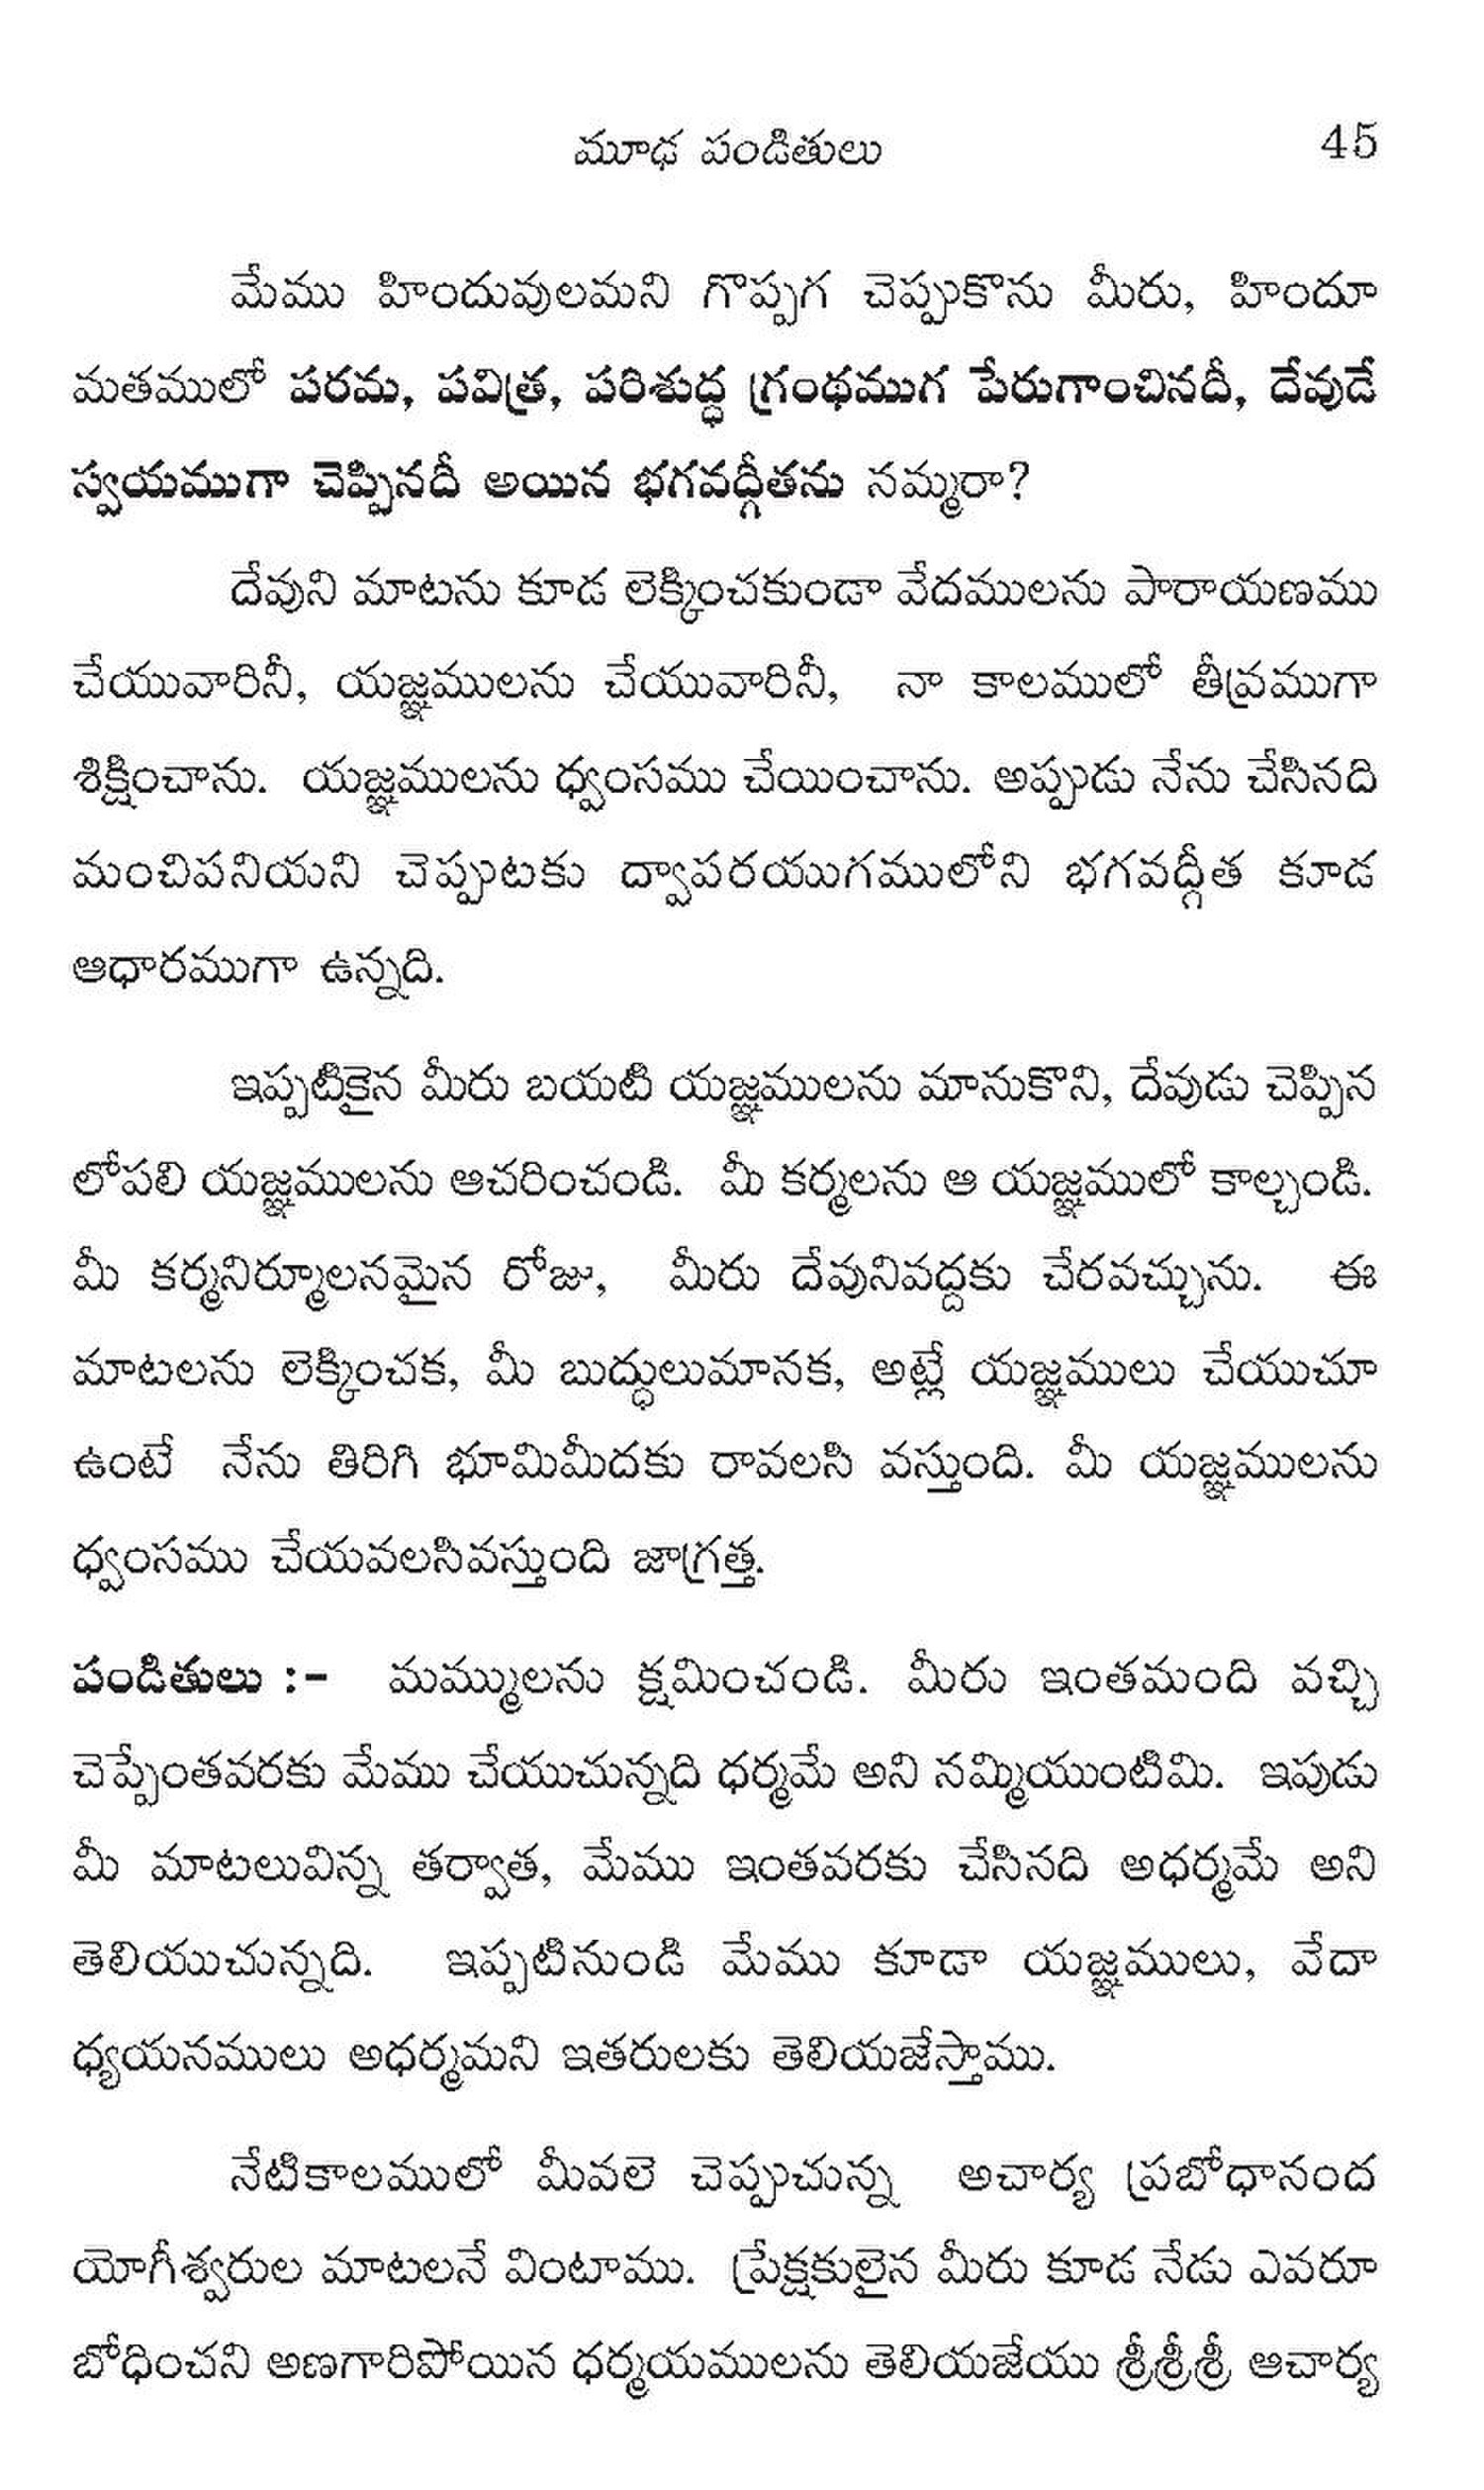మేము హిందువులమని గొప్పగ చెప్పుకొను మీరు, హిందూ మతములో పరమ, పవిత్ర, పరిశుద్ధ గ్రంథముగ పేరుగాంచినదీ, దేవుడే స్వయముగా చెప్పినదీ అయిన భగవద్గీతను నమ్మరా?
	
దేవుని మాటను కూడ లెక్కించకుండా వేదములను పారాయణము చేయువారినీ, యజ్ఞములను చేయువారినీ, నా కాలములో తీవ్రముగా శిక్షించాను. యజ్ఞములను ధ్వంసము చేయించాను. అప్పుడు నేను చేసినది మంచిపనియని చెప్పుటకు ద్వాపరయుగములోని భగవద్గీత కూడ ఆధారముగా ఉన్నది.
	
ఇప్పటికైన మీరు బయటి యజ్ఞములను మానుకొని, దేవుడు చెప్పిన లోపలి యజ్ఞములను ఆచరించండి. మీ కర్మలను ఆ యజ్ఞములో కాల్చండి. మీ కర్మనిర్మూలనమైన రోజు, మీరు దేవునివద్దకు చేరవచ్చును. ఈ మాటలను లెక్కించక, మీ బుద్ధులుమానక, అట్లే యజ్ఞములు చేయుచూ ఉంటే నేను తిరిగి భూమిమీదకు రావలసి వస్తుంది. మీ యజ్ఞములను ధ్వంసము చేయవలసివస్తుంది జాగ్రత్త.

పండితులు :-	మమ్ములను క్షమించండి. మీరు ఇంతమంది వచ్చి చెప్పేంతవరకు మేము చేయుచున్నది ధర్మమే అని నమ్మియుంటిమి. ఇపుడు మీ మాటలువిన్న తర్వాత, మేము ఇంతవరకు చేసినది అధర్మమే అని తెలియుచున్నది. ఇప్పటినుండి మేము కూడా యజ్ఞములు, వేదా ధ్యయనములు అధర్మమని ఇతరులకు తెలియజేస్తాము.
	
నేటికాలములో మీవలె చెప్పుచున్న అచార్య ప్రబోధానంద యోగీశ్వరుల మాటలనే వింటాము. ప్రేక్షకులైన మీరు కూడ నేడు ఎవరూ బోధించని అణగారిపోయిన ధర్మములను తెలియజేయు శ్రీశ్రీశ్రీ ఆచార్య